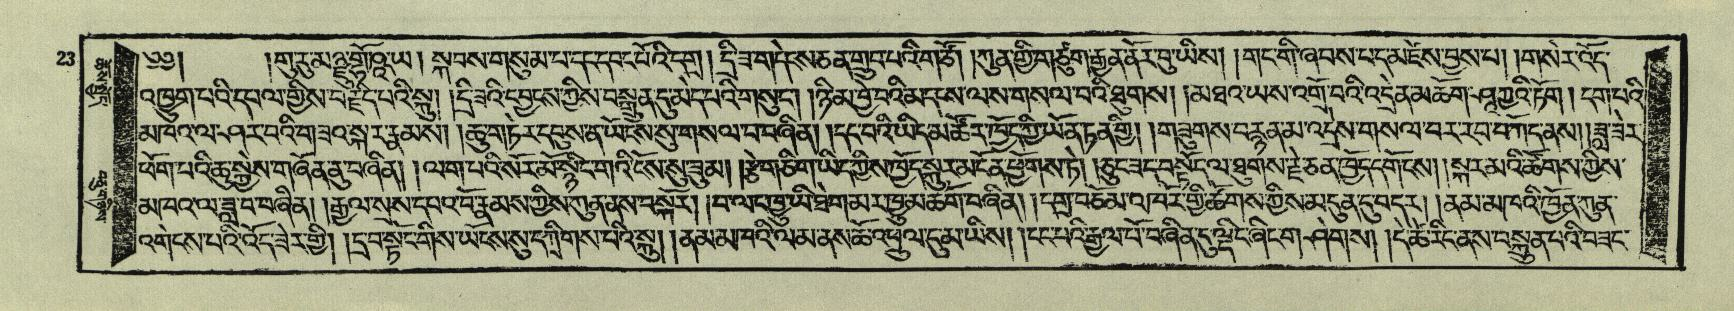༄༅། །གུ་རུ་མཉྫུ་གྷོ་ཥཱ་ཡ་།སྐབས་གསུམ་པ་དང་དབང་པོའི་དགྲ་།དྲི་ཟ་གདེངས་ཅན་གྲུབ་པའི་གཙོ། །ཀུན་གྱི་གཙུག་རྒྱན་ནོར་བུ་ཡིས། །གང་གི་ཞབས་པད་མཛེས་བྱས་པ། །གསེར་འོད་
འཁྱུག་པའི་དཔལ་གྱིས་བརྗིད་པའི་སྐུ། །དྲི་ཟའི་དབྱངས་ཀྱིས་བསྒྲུན་དུ་མེད་པའི་གསུང་། །ཉི་མ་བྱེ་བའི་མདངས་ལས་གསལ་བའི་ཐུགས། །མཐའ་ཡས་འགྲོ་བའི་འདྲེན་མཆོག་ཤཱཀྱའི་ཏོག །དག་པའི་
མཁའ་ལ་ཤར་བའི་གཟའ་སྐར་རྣམས། །ཆུ་གཏེར་དབུས་ན་ཡོངས་སུ་གསལ་བ་བཞིན། །དང་བའི་ཡིད་མཚོར་ཁྱོད་ཀྱི་ཡོན་ཏན་གྱི། །གཟུགས་བརྙན་མ་འདྲེས་གསལ་བར་རབ་བཀོད་ནས། །ཟླ་ཟེར་
ཕོག་པའི་ཆུ་སྐྱེས་གཞོན་ནུ་བཞིན། །ལག་པའི་སོར་མོ་སྙིང་གའི་ངོས་སུ་ཟུམ། །རྩེ་གཅིག་ཡིད་ཀྱིས་ཁྱོད་སྐུར་མངོན་ཕྱོགས་ཏེ། །ཅུང་ཟད་བསྟོད་ལ་ཐུགས་རྗེ་ཅན་ཁྱོད་དགོངས། །སྐར་མའི་ཚོགས་ཀྱིས་
མཁའ་ལ་ཟླ་བ་བཞིན། །རྒྱལ་སྲས་དཔའ་བོ་རྣམས་ཀྱིས་ཀུན་ནས་བསྐོར། །བ་ལང་ཁྱུ་ཡི་ཐེག་མར་ཁྱུ་མཆོག་བཞིན། །དགྲ་བཅོམ་འཁོར་གྱི་ཚོགས་ཀྱིས་མདུན་དུ་བདར། །ནམ་མཁའི་ཁྱོན་ཀུན་
འགེངས་པའི་འོད་ཟེར་གྱི། །དྲ་བ་སྟོང་གིས་ཡོངས་སུ་དཀྲིགས་པའི་སྐུ། །ནམ་མཁའི་ལམ་ནས་ཆོ་འཕྲུལ་དུ་མ་ཡིས། །ངང་པའི་རྒྱལ་པོ་བཞིན་དུ་ལྡིང་ཞིང་གཤེགས། །དེ་ཚེ་རིང་ནས་བསྐྲུན་པའི་བཟང་